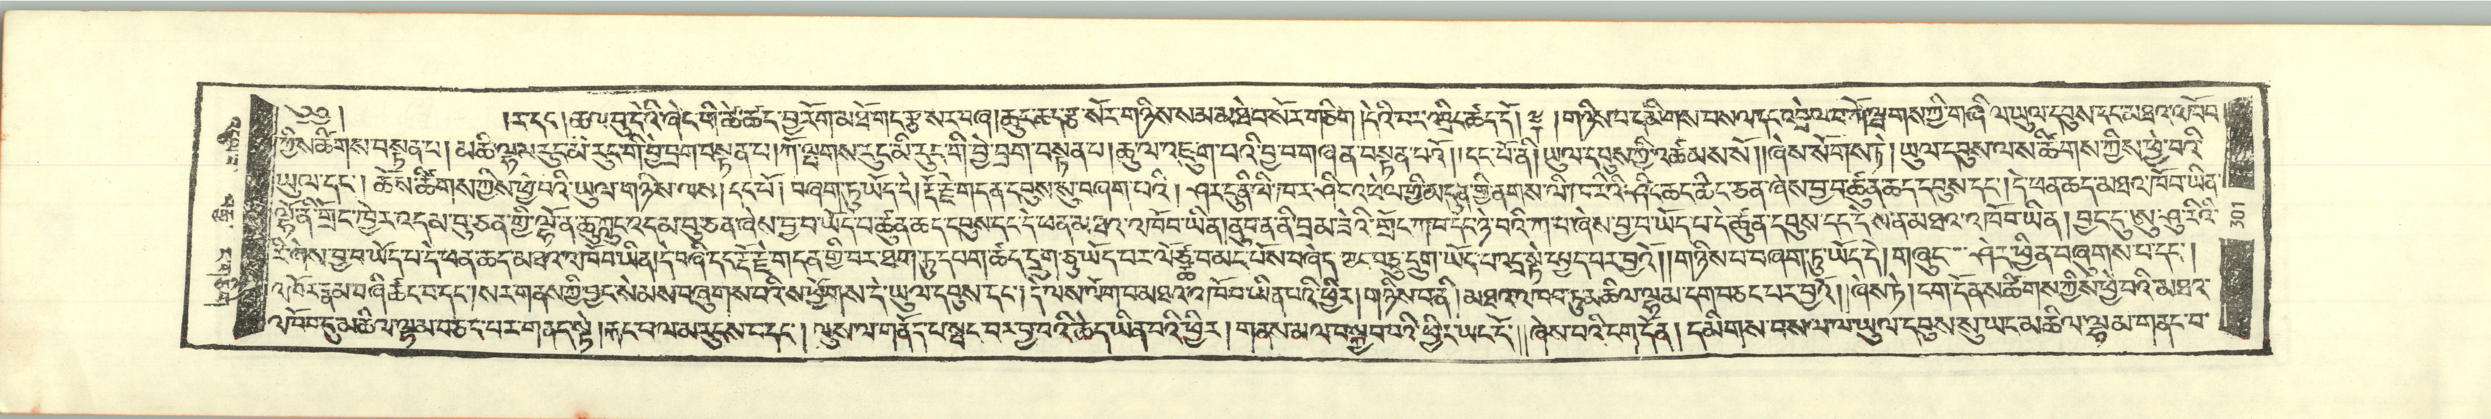༄༅། །ར་དང་། ཆལ་བུ་དེའི་ཞེང་གི་ཚེ་ཚང་བྱ་རོག་མཐོ་གང་རྩ་སར་བཞ། ཆུང་ཆད་རྩ་སོར་གཉིས་སམ་མཐེ་བ་སོར་གཅིག །དེའི་བར་འབྲིང་ཚད་དོ། ༈ །གཉིས་པ་དམིགས་བསལ་དང་འབྲེལ་བ་ཀོ་ལྦགས་ཀྱི་གཞིལ་ཡུལ་དབུས་དང་མཐའ་འཁོབ་
ཀྱིས་ཚིགས་བསྟན་པ། མཆི་ལྷམ་རུང་མི་རུང་གི་བྱེ་བྲག་བསྟན་པ། ཀོ་ལྤགས་རུང་མི་རུང་གི་བྱེ་བྲག་བསྟན་པ། ཆུ་ལ་འཇུག་པའི་བྱ་བ་གཞན་བསྟན་པའོ། །དང་པོ་ནི། ཡུལ་དབུས་ཀྱི་འཚམས་སོ། །ཞེས་སོགས་ཏེ། ཡུལ་དབུས་ལས་ཚིགས་ཀྱིས་ཕྱེ་བའི་
ཡུལ་དང་། ཆོས་ཚིགས་ཀྱིས་ཕྱེ་བའི་ཡུལ་གཉིས་ལས། དང་པོ། བཞག་ཏུ་ཡོད་དེ། རྡོ་རྗེ་གདན་དབུས་སུ་བཞག་པའི། ཤར་དུ་ནི་ལི་ཁ་ར་ཤིང་འཕེལ་གྱི་མདུན་གྱི་ནགས་ལི་ཁ་རིའི་ཤིང་ཆང་ཆིང་ཅན་ཞེས་བྱ་བ་ཚུན་ཆད་དབུས་དང་། དེ་ཕན་ཆད་མཐའ་ཁོབ་ཡིན་
ལྷོ་ནི་གྲོང་ཁྱེར་འདམ་བུ་ཅན་གྱི་ལྷོ་ན་ཆུ་ཀླུང་འདམ་བུ་ཅན་ཞེས་བྱ་བ་ཡོད་པ་ཚུན་ཆད་དབུས་དང་དེ་ཕན་མཐའ་འཁོབ་ཡིན། ནུབ་ན་ནི་བྲམ་ཟེའི་གྲོང་ཀབ་དང་ཉེ་བའི་ཀ་པ་ཞེས་བྱ་བ་ཡོད་པ་དེ་ཚུན་དབུས་དང་དེས་ན་མཐའ་འཁོབ་ཡིན། བྱང་དུ་ཨུ་ཤུ་རིའི་
རི་ཞེས་བྱ་བ་ཡོད་པ་དེ་ཕན་ཆད་མཐའ་འཁོབ་ཡིན། དེ་བཞི་དང་རྡོ་རྗེ་གདན་གྱི་བར་ཐག་ཏུ་དཔག་ཚད་དྲུག་ཅུ་ཡོད་པར་ལོ་ཙྪ་བ་མང་པོས་བཞེད་ཀྱང་བཅུ་དྲུག་ཡོད་པ་འདྲ་སྟེ་དཔྱད་པར་བྱའོ། །གཉིས་པ་བཞག་ཏུ་ཡོད་དེ། གཞུང་ཤེར་ཕྱིན་བཞུགས་པ་དང་།
འཁོར་རྣམ་བཞི་ཚང་བ་དང་། སར་གནས་ཀྱི་བྱང་སེམས་བཞུགས་པའི་ས་ཕྱོགས་དེ་ཡུལ་དབུས་དང་། དེ་ལས་ལོག་པ་མཐའ་འཁོབ་ཡིན་པའི་ཕྱིར། གཉིས་པ་ནི། མཐའ་འཁབ་ཏུ་མཆིལ་ལྷམ་དག་བཅང་པར་བྱའོ། །ཞེས་ཏེ། ངག་དོན་ས་ཚིགས་ཀྱིས་ཕྱེ་བའི་མཐའ་
འཁོབ་དུ་མཆིལ་ལྷམ་བཅང་པར་གནད་སྟེ། རྐང་པ་ལ་མ་རུངས་བ་དང་། ལུས་ལ་གནོད་པ་སྤང་བར་བྱ་བའི་ཆེད་ཡིན་པའི་ཕྱིར། གནས་མལ་བ་སྐྱབ་པའི་ཕྱིར་ཡང་ངོ། །ཞེས་པའི་ངག་དོན། དམིགས་བསལ་ལ་ཡུལ་དབུས་སུ་ཡང་མཆིལ་ལྷམ་གནང་བ་